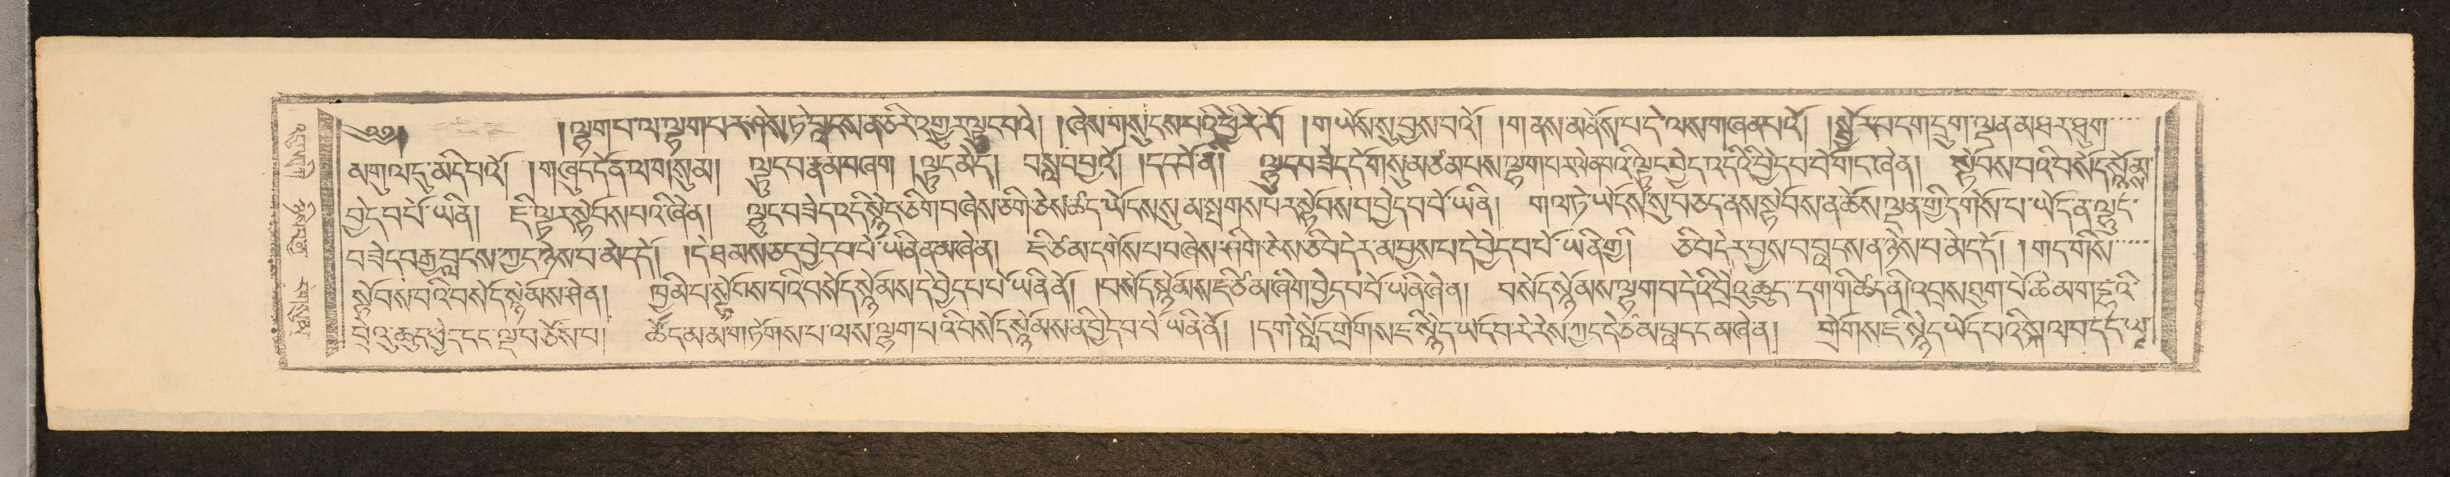༄༅། །ལྷག་པ་ལ་ལྷག་པར་ཤེས་ཏེ་བླངས་ན་ཅིར་འགྱུར་ལྟུང་བའོ། །ཞེས་གསུངས་པའི་ཕྱིར་རོ། །གཡོས་སུ་བྱས་པའོ། །གནས་མནོས་པ་དེ་ལས་གཞན་པའོ། །སྦྱོར་བ་དག་དྲུག་ལྡན་མཐར་ཐུག་
མ་གུལ་དུ་མིད་པའོ། །གཞུང་དོན་ལ་གསུམ། ལྟུང་བ་རྣམ་བཞག །ལྟུང་མེད། བསླབ་བྱའོ། །དང་པོ་ནི། ལྷུང་བཟེད་དོ་གསུམ་ཙམ་པས་ལྷག་པར་ལེན་པའི་ལྟུང་བྱེད་འདིའི་བྱེད་པ་པོ་གང་ཞེ་ན། སྟོབས་པའི་བསོད་སྙོམས་
བྱེད་པ་པོ་ཡིན། ཇི་ལྟར་སྟོབས་པའི་ཞེ་ན། ལྷུང་བཟེད་འདི་སྙེད་ཅིག་བཞེས་ཅིག་ཅེས་ཚད་ཡོངས་སུམ་སྤགས་པར་སྟོབས་པ་བྱེད་པ་པོ་ཡིན། གལ་ཏེ་ཡོངས་སུ་བཅད་ནས་སྟོབས་ན་ཆོས་ལྡན་གྱི་དགོས་པ་ཡོད་ན་ལྷུང་
བཟེད་བརྒྱ་བླངས་ཀྱང་ཉེས་པ་མེད་དོ། །དེ་ཐམས་ཅད་བྱེད་པ་པོ་ཡིན་ནམ་ཞེན། ཇི་ཙམ་དགོས་པ་བཞེས་ཤིག་ཅེས་ཅི་བདེར་མ་བྱས་པ་དེ་བྱེད་པ་པོ་ཡིན་གྱི། ཅི་བདེར་བྱས་པ་བླངས་ནས་ཉེས་པ་མེད་དོ། །གང་གིས་
སྟོབས་པའི་བསོད་སྙོམས་ཤེ་ན། ཁྱིམ་པ་སྟོབས་པའི་བསོད་སྙོམས་དེ་བྱེད་པ་པོ་ཡིན་ནོ། །བསོད་སྙོམས་ཇི་ཙམ་ཞིག་བྱེད་པ་པོ་ཡིན་ཞེ་ན། བསོད་སྙོམས་ལྷག་པ་དེའི་བྲེའུ་ཆུད་དག་གི་ཚད་ནི། འབྲས་ཐུག་པོ་ཆེ་མ་གདྷའི་
བྲེའུ་ཆུང་ཕྱེད་དང་ལྔ་བཙོས་པ། ཚོད་མ་མ་གཏོགས་པ་ལས་ལྷག་པའི་བསོད་སྙོམས་ནི་བྱེད་པ་པོ་ཡིན་ནོ། །དགེ་སློང་གྲོགས་ཇི་སྙེད་ཡོད་པ་རེ་རེས་ཀྱང་དེ་ཙམ་བླང་ངམ་ཞེ་ན། གྲོགས་ཇི་སྙེད་ཡོད་པའི་སྐལ་བ་དང་ཡང་